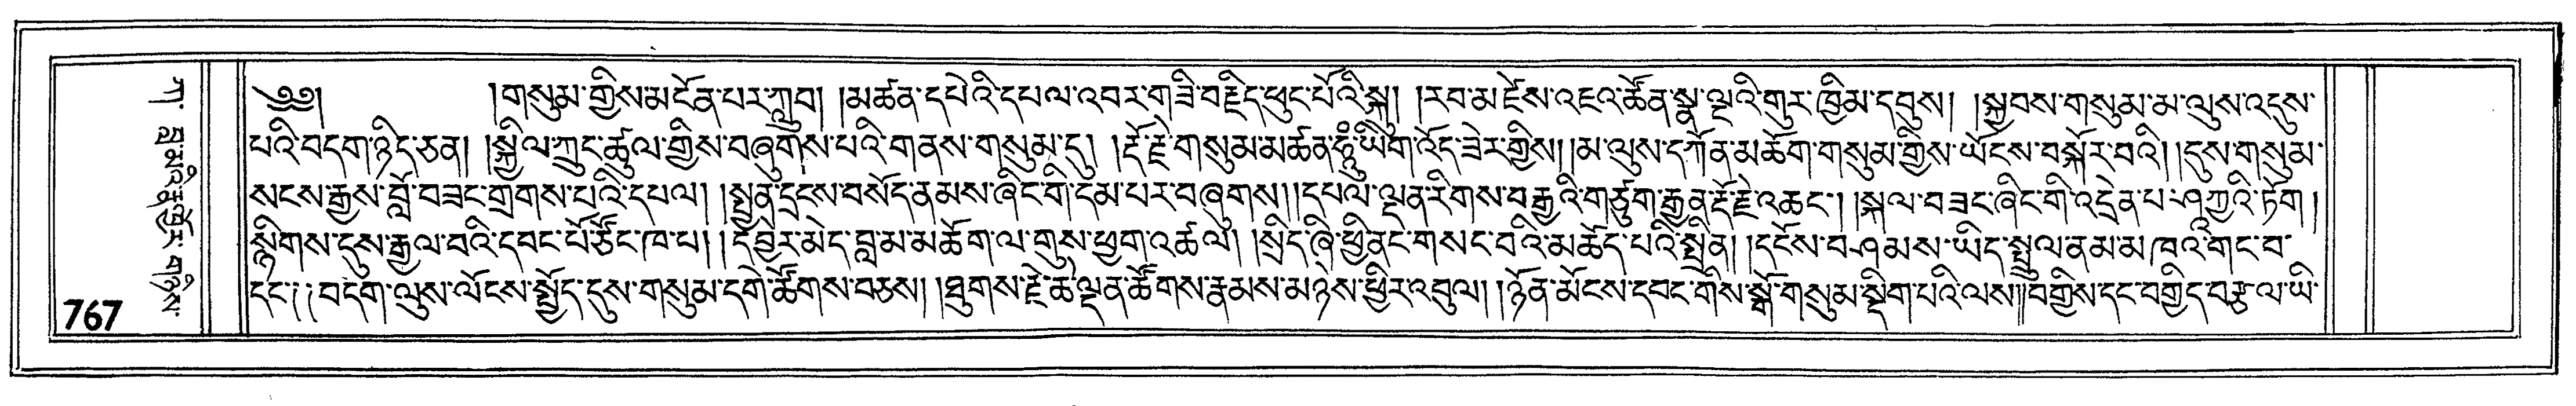༄༅། །གསུམ་གྱིས་མངོན་པར་ཀླུབ། །མཚན་དཔེའི་དཔལ་འབར་གཟི་བརྗིད་ཕུང་པོའི་སྐུ། །རབ་མཛེས་འཇའ་ཚོན་སྣ་ལྔའི་གུར་ཁྱིམ་དབུས། །སྐྱབས་གསུམ་མ་ལུས་འདུས་
པའི་བདག་ཉིད་ཅན། །སྐྱིལ་ཀྲུང་ཚུལ་གྱིས་བཞུགས་པའི་གནས་གསུམ་དུ། །རྡོ་རྗེ་གསུམ་མཚན་ཧཱུཾ་ཡིག་འོད་ཟེར་གྱིས། །མ་ལུས་དཀོན་མཆོག་གསུམ་གྱིས་ཡོངས་བསྐོར་བའི། །དུས་གསུམ་
སངས་རྒྱས་བློ་བཟང་གྲགས་པའི་དཔལ། །སྤྱན་དྲངས་བསོད་ནམས་ཞིང་གི་དམ་པར་བཞུགས། །དཔལ་ལྡན་རིགས་བརྒྱའི་གཙུག་རྒྱན་རྡོ་རྗེ་འཆང་། །སྐལ་བཟང་ཞིང་གི་འདྲེན་པ་ཤཱཀྱའི་ཏོག །
སྙིགས་དུས་རྒྱལ་བའི་དབང་པོ་ཙོང་ཁ་པ། །དབྱེར་མེད་བླ་མ་མཆོག་ལ་གུས་ཕྱག་འཚལ། །སྲིད་ཞི་ཕྱི་ནང་གསང་བའི་མཆོད་པའི་སྤྲིན། །དངོས་བཤམས་ཡིད་སྤྲུལ་ནམ་མཁའ་གང་བ་
དང༑ ༑བདག་ལུས་ལོངས་སྤྱོད་དུས་གསུམ་དགེ་ཚོགས་བཅས། །ཐུགས་རྗེ་ཆེ་ལྡན་ཚོགས་རྣམས་མཉེས་ཕྱིར་འབུལ། །ཉོན་མོངས་དབང་གིས་སྒོ་གསུམ་སྡིག་པའི་ལས། །བགྱིས་དང་བགྱིད་བརྩལ་ཡི་